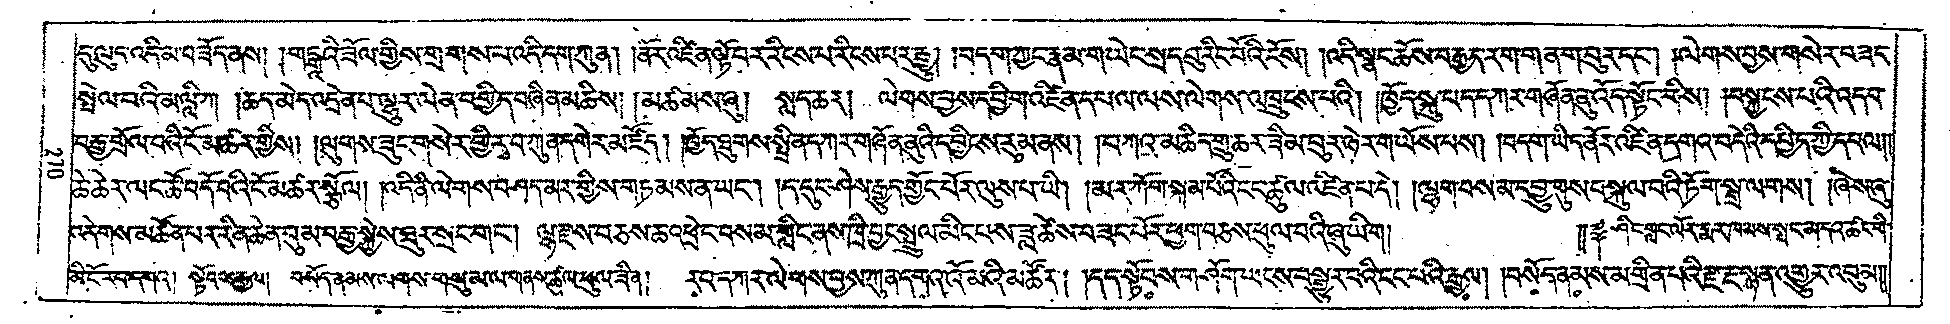དུ་ལུད་འདི་མ་བཟོད་ནས། །གངྒཱའི་ཟོལ་གྱིས་གྲགས་པ་འདི་དག་ཀུན། །ནོར་འཛིན་ལྟོ་བར་རིངས་པ་རིངས་པར་རྒྱུ། །བདག་ཀྱང་རྣམ་གཡེང་སྲད་བུ་རིང་པོའི་ངོས། །འདི་སྣང་ཆོས་བརྒྱད་རག་གན་ག་བུར་དང་། །ལེགས་བྱས་གསེར་བཟང་
སྤེལ་བའི་མལླི་ཀ །ཆད་མེད་འདྲེན་པ་ལྷུར་ལེན་བགྱིད་བཞིན་མཆིས། །མཚམས་ཞུ། སླད་ཆར། ལེགས་བྱས་དབྱིག་འཛིན་དཔལ་ལས་ལེགས་འཁྲུངས་པའི། །ཁྱོད་སྐུ་པད་དཀར་གཞོན་ནུ་འོད་སྟོང་གིས། །བསྐྱངས་པའི་འདབ་
བརྒྱ་གྲོལ་བའི་ངོ་མཚར་གྱིས། །ལུགས་ཟུང་གསེར་གྱི་རྭ་བ་ཀུན་དགེར་མཛོད། །ཁྱོད་ཐུགས་སྤྲིན་དཀར་གཞོན་ནུའི་དབྱིངས་རུམ་ནས། །བཀའ་མཆིད་གྲུ་ཆར་ཟིམ་ཕུར་ཉེར་གཡོས་པས། །བདག་ཡིད་ནོར་འཛིན་དགའ་བདེའི་དཔྱིད་ཀྱི་དཔལ། །
ཆེ་ཆེར་ལང་ཚོ་བདོ་བའི་ངོ་མཚར་སྩོལ། །འདི་ནི་ལེགས་བཤད་མར་གྱིས་གཏམས་ན་ཡང་། །ད་དུང་ཤེས་རྒྱུད་གྱོང་པོར་ལུས་པ་ཡི། །མར་ཀོག་སྐམ་པོའི་ངང་ཚུལ་འཛིན་པ་དེ། །ལྷག་བསམ་དབྱུ་གུས་བསྐུལ་བའི་ཏོག་སྒྲ་ལགས། །ཞེས་ཞུ་
འདེགས་མཚོན་པར་རིན་ཆེན་བུམ་བརྒྱ་སྐྱེས་ཐུར་སྲང་གང་། ལྷ་རྫས་བཅས་ཆ་འཕྲེང་བསམ་གླིང་ནས་ཁྲི་བྱང་སྤྲུལ་མིང་པས་ཟླ་ཚེས་བཟང་པོར་ཕྱག་བཅས་ཕུལ་བའི་ཞུ་ཡིག ། །། ༈ ཤིང་གླང་ལོར་རྨར་ཁམས་སྤང་མདའ་ཚང་གི་
མི་ངོ་རབ་དགའ། སྟོབས་རྒྱལ། བསོད་ནམས་ལགས་གསུམ་ལ་གནས་ཚུལ་ཕུལ་ཟིན། རབ྾་དཀར་ལེགས་བྱས་ཀུན་དགའ྾་འོ་མའི་མཚོར། །དད་སྟོབས྾་གཤོག་ཡངས་བསྒྱུར་བའི་ངང་བའི་རྒྱལ྾། །བསོད྾་ནམས྾་མགྲིན་པའི་རྫ་རྔ་སྙན་འགྱུར་འབུམ། །